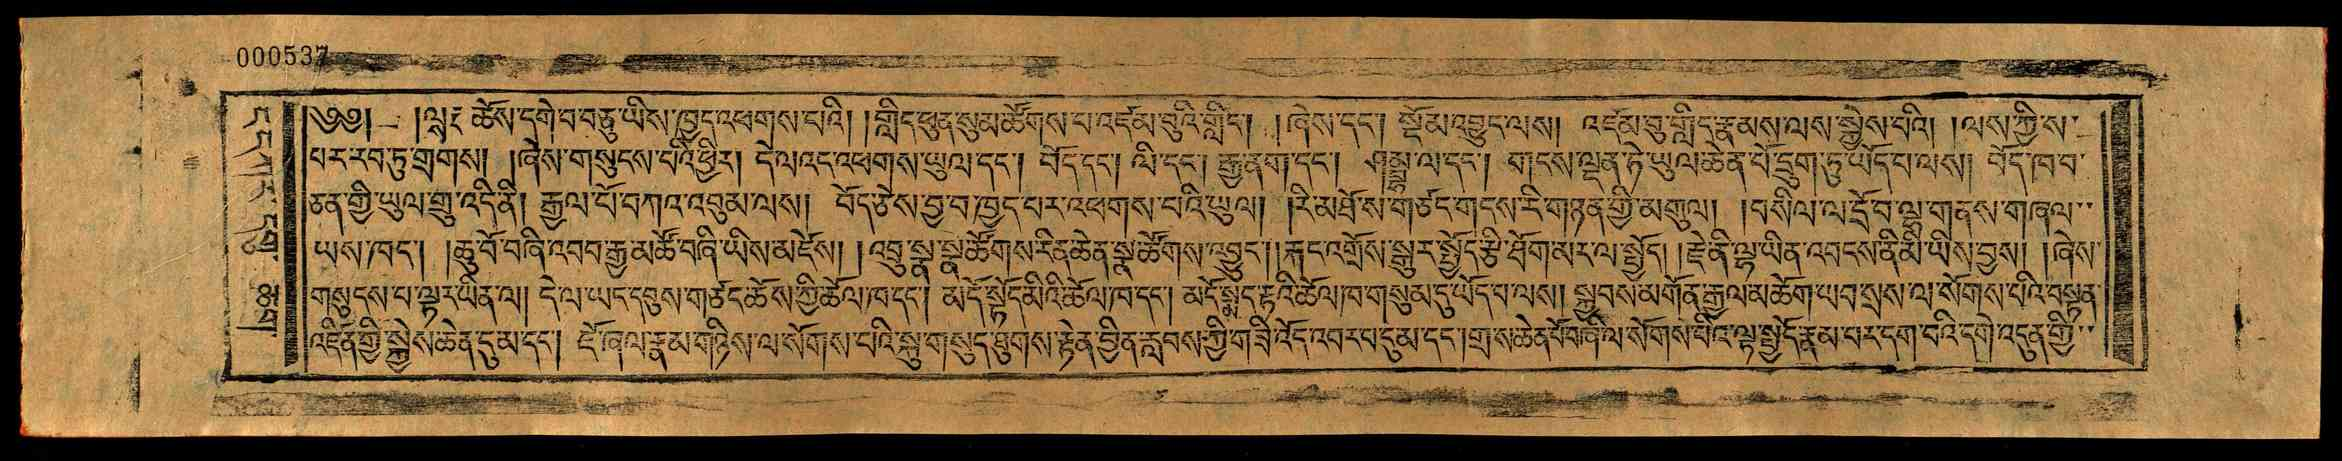༄༅། །ལས༑ ཆོས་དགེ་བ་བཅུ་ཡིས་ཁྱད་འཕགས་པའི། །གླིང་ཕུན་སུམ་ཚོགས་པ་འཛམ་བུའི་གླིང་། །ཞེས་དང་། སྡོམ་འབྱུང་ལས། འཛམ་བུ་གླིང་རྣམས་ལས་སྐྱེས་པའི། །ལས་ཀྱི་ས་
པར་རབ་ཏུ་གྲགས། །ཞེས་གསུངས་པའི་ཕྱིར། དེ་ལའང་འཕགས་ཡུལ་དང་། བོད་དང་། ལི་དང་། རྒྱ་ནག་དང་། ཤམྦྷ་ལ་དང་། གངས་ལྡན་ཏེ་ཡུལ་ཆེན་པོ་དྲུག་ཏུ་ཡོད་པ་ལས། བོད་ཁ་བ་
ཅན་གྱི་ཡུལ་གྲུ་འདི་ནི་རྒྱལ་པོ་བཀའ་འབུམ་ལས། བོད་ཅེས་བྱ་བ་ཁྱད་པར་འཕགས་པའི་ཡུལ། །རི་མཐོ་ས་གཙང་གངས་རི་གཉན་གྱི་མགུལ། །བསིལ་ལ་དྲོ་བ་ལྷ་གནས་གཞལ་
ཡས་ཁང་། །ཆུ་བོ་བཞི་འབབ་རྒྱ་མཚོ་བཞི་ཡིས་མཛེས། །འབྲུ་སྣ་སྣ་ཚོགས་རིན་ཆེན་སྣ་ཚོགས་འབྱུང་། །རྐང་འགྲོས་སྒུར་སྤྱོད་རྩི་ཐོག་མར་ལ་སྤྱོད། །རྗེ་ནི་ལྷ་ཡིན་འབངས་ནི་མི་ཡིས་བྱས། །ཞེས་
གསུངས་པ་ལྟར་ཡིན་ལ། དེ་ལ་ཡང་དབུས་གཙང་ཆོས་ཀྱི་ཆོས་ཁ་དང་། མདོ་སྟོད་མིའི་ཆོལ་ཁ་དང་། མདོ་སྨད་རྟའི་ཆོལ་ཁ་གསུམ་དུ་ཡོད་པ་ལས། སྐྱབས་མགོན་རྒྱལ་མཆོག་ཡབ་སྲས་ལ་སོགས་པའི་བསྟན་
འཛིན་གྱི་སྐྱེས་ཆེན་དུ་མ་དང་། ཇོ་ཞལ་རྣམ་གཉིས་ལ་སོགས་པའི་སྐུ་གསུངས་ཐུགས་རྟེན་བྱིན་རླབས་ཀྱི་གཟི་འོད་འབར་བ་དུ་མ་དང་། གྲྭ་ས་ཆེན་པོ་བཞི་ལ་སོགས་པའི་ལྟ་སྤྱོད་རྣམ་པར་དག་པའི་དགེ་འདུན་གྱི་